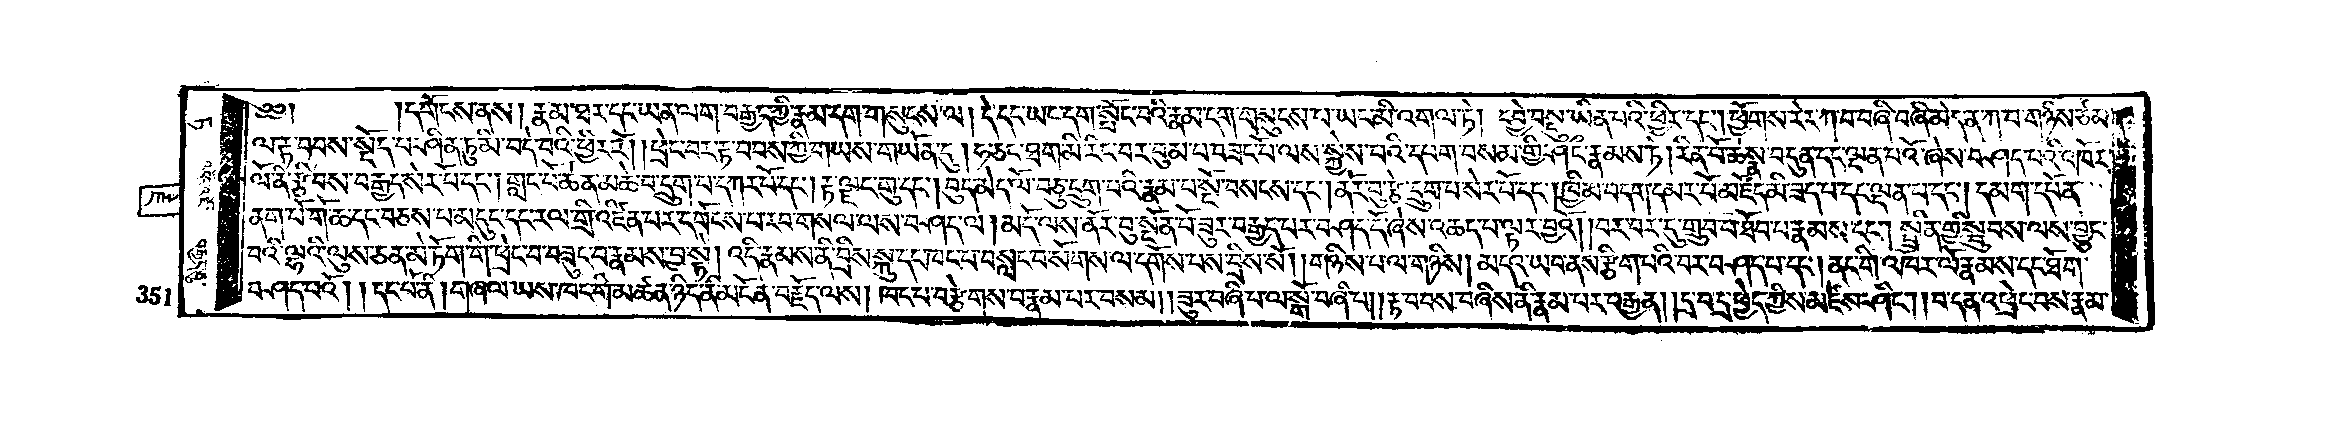༄༅། །དགོངས་ནས། རྣམ་ཐར་དང་ཡན་ལག་བརྒྱད་ཀྱི་རྣམ་དག་གསུངས་ལ། དེ་དང་ཡང་དག་སྤོང་བའི་རྣམ་དག་གསུངས་པ་ཡང་མི་འགལ་ཏེ། དབྱེ་བསྡུ་ཡིན་པའི་ཕྱིར་དང་། ཕྱོགས་རེར་ཀ་བ་བཞི་བཞི་མེད་ན་ཀ་བ་གཉིས་ཙམ་
ལ་རྟ་བབས་སྡོད་པ་ཤིན་ཏུ་མི་བདེ་བའི་ཕྱིར་རོ། །ཕྲེང་བར་རྟ་བབས་ཀྱི་གཡས་གཡོན་དུ། ཧ་ཅང་ཐག་མི་རིང་བར་བུམ་པ་བཟང་པོ་ལས་སྐྱེས་པའི་དཔག་བསམ་གྱི་ཤིང་རྣམས་ཏེ། རིན་པོ་ཆེ་སྣ་བདུན་དང་ལྡན་པའོ་ཞེས་བཤད་པའི་འཁོར་
ལོ་ནི་རྩིབས་བརྒྱད་སེར་པོ་དང་། གླང་པོ་ཆེ་ནི་མཆེ་བ་དྲུག་པ་དཀར་པོ་དང་། རྟ་ལྗང་གུ་དང་། བུད་མེད་ལོ་བཅུ་དྲུག་པའི་རྣམ་པ་སྔོ་བསངས་དང་། ནོར་བུ་རྩེ་དྲུག་པ་སེར་པོ་དང་། ཁྱིམ་བདག་དམར་པོ་མཛོད་མི་ཟད་པ་དང་ལྡན་པ་དང་། དམག་དཔོན་
ནག་པོ་གོ་ཆ་དང་བཅས་པ་མདུང་དང་རལ་གྲི་འཛིན་པར་དགོངས་པ་རབ་གསལ་ལས་བཤད་ལ། མདོ་ལས་ནོར་བུ་སྔོན་པོ་ཟུར་བརྒྱད་པར་བཤད་དོ་ཞེས་འཆད་པ་ལྟར་བྱའོ། །བར་བར་དུ་གྲུབ་པ་ཐོབ་པ་རྣམས་དང་། སྤྲིན་གྱི་སྦུབས་ལས་བྱུང་
བའི་ལྷའི་ལུས་ཅན་མེ་ཏོག་གི་ཕྲེང་བ་བཟུང་བ་རྣམས་བྱ་སྟེ། འདི་རྣམས་ནི་བྲིས་སྐུ་དང་ཁང་པ་བསླང་བ་སོགས་ལ་དགོས་པས་བྲིས་སོ། །གཉིས་པ་ལ་གཉིས། མདའ་ཡབ་ནས་རྩིག་པའི་བར་བཤད་པ་དང་། ནང་གི་འཁོར་ལོ་རྣམས་དང་ཐོག་
བཤད་པའོ། །དང་པོ་ནི། གཞལ་ཡས་ཁང་གི་མཚན་ཉིད་ནི་མངོན་བརྗོད་ལས། ཁང་པ་བརྩེགས་པ་རྣམ་པར་བསམ། །ཟུར་བཞི་པ་ལ་སྒོ་བཞི་པ། །རྟ་བབས་བཞིས་ནི་རྣམ་པར་བརྒྱན། །དྲ་བ་དྲ་ཕྱེད་ཀྱིས་མཛེས་ཤིང་། །བ་དན་འཕྲེང་བས་རྣམ་